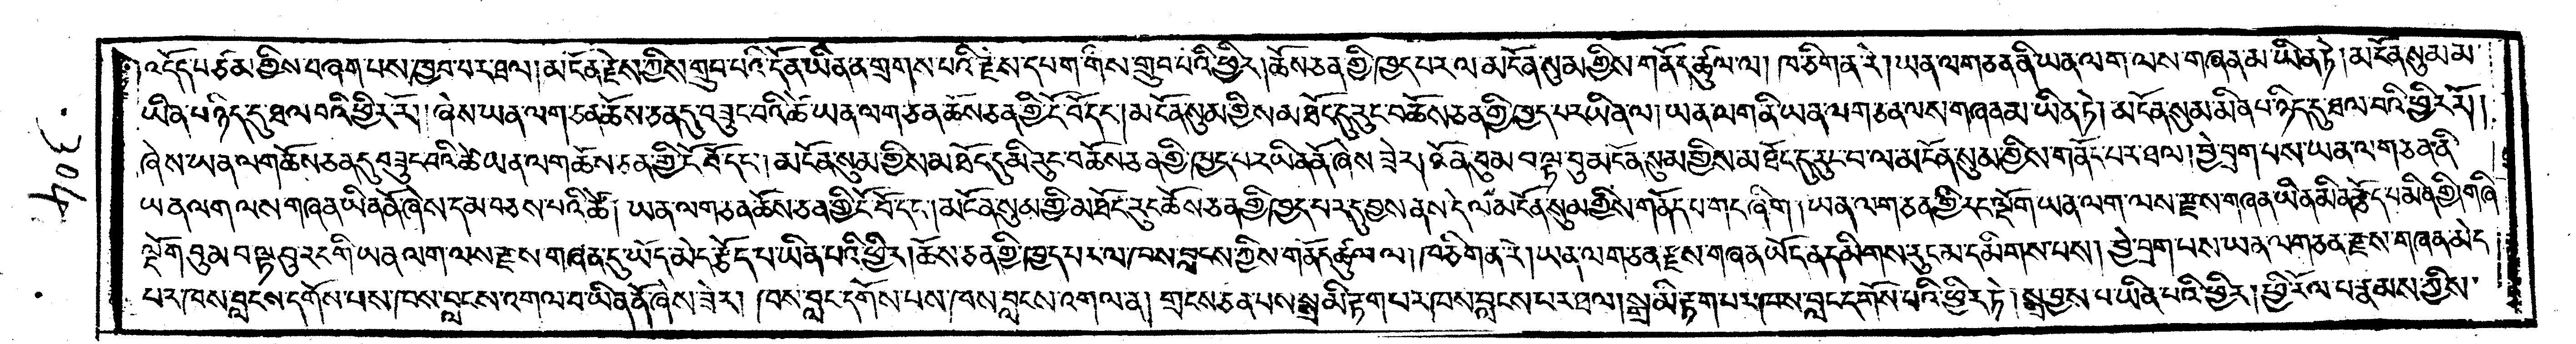འདོད་པ་ཙམ་གྱིས་བཞག་པས་ཁྱབ་པར་ཐལ། མངོན་རྗེས་ཀྱིས་གྲུབ་པའི་དོན་ཡིན་ན་གྲགས་པའི་རྗེས་དཔག་གིས་གྲུབ་པའི་ཕྱིར། ཆོས་ཅན་གྱི་ཁྱད་པར་ལ་མངོན་སུམ་གྱིས་གནོད་ཚུལ་ལ། ཁ་ཅིག་ན་རེ། ཡན་ལག་ཅན་ནི་ཡན་ལག་ལས་གཞན་མ་ཡིན་ཏེ། མངོན་སུམ་མ་
ཡིན་པ་ཉིད་དུ་ཐལ་བའི་ཕྱིར་རོ། །ཞེས་ཡན་ལག་ཅན་ཆོས་ཅན་དུ་བཟུང་བའི་ཚེ་ཡན་ལག་ཅན་ཆོས་ཅན་གྱི་ངོ་བོ་དང་། མངོན་སུམ་གྱིས་མཐོང་དུ་རུང་བ་ཆོས་ཅན་གྱི་ཁྱད་པར་ཡིན་ལ། ཡན་ལག་ནི་ཡན་ལག་ཅན་ལས་གཞན་མ་ཡིན་ཏེ། མངོན་སུམ་མིན་པ་ཉིད་དུ་ཐལ་བའི་ཕྱིར་རོ། །
ཞེས་ཡན་ལག་ཆོས་ཅན་དུ་བཟུང་བའི་ཆ་ཡན་ལག་ཆོས་ཅན་གྱི་ངོ་བོ་དང་། མངོན་སུམ་གྱིས་མཐོང་དུ་མི་རུང་བ་ཆོས་ཅན་གྱི་ཁྱད་པར་ཡིན་ནོ་ཞེས་ཟེར། འོ་ན་བུམ་པ་ལྟ་བུ་མངོན་སུམ་གྱིས་མཐོང་དུ་རུང་བ་ལ་མངོན་སུམ་གྱིས་གནོད་པར་ཐལ། བྱེ་བྲག་པས་ཡན་ལག་ཅན་ནི་
ཡན་ལག་ལས་གཞན་ཡིན་ནོ་ཞེས་དམ་བཅས་པའི་ཚེ། ཡན་ལག་ཅན་ཆོས་ཅན་གྱི་ངོ་བོ་དང་། མངོན་སུམ་གྱི་མཐོང་རུང་ཆོས་ཅན་གྱི་ཁྱད་པར་དུ་བྱས་ནས་དེ་ལ་མངོན་སུམ་གྱིས་གནོད་པ་གང་ཞིག། ཡན་ལག་ཅན་གྱི་རང་ལྡོག་ཡན་ལག་ལས་རྫས་གཞན་ཡིན་མིན་རྩོད་པ་མིན་གྱི། གཞི་
ལྡོག་བུམ་པ་ལྟ་བུ་རང་གི་ཡན་ལག་ལས་རྫས་གཞན་དུ་ཡོད་མེད་རྩོད་པ་ཡིན་པའི་ཕྱིར། ཆོས་ཅན་གྱི་ཁྱད་པར་ལ་ཁས་བླངས་ཀྱིས་གནོད་ཚུལ་ལ། ཁ་ཅིག་ན་རེ། ཡན་ལག་ཅན་རྫས་གཞན་ཡོད་ན་དམིགས་རུང་མ་དམིགས་པས། བྱེ་བྲག་པས་ཡན་ལག་ཅན་རྫས་གཞན་མེད་
པར་ཁས་བླངས་དགོས་པས་ཁས་བླངས་འགལ་བ་ཡིན་ནོ་ཞེས་ཟེར། ཁས་བླངས་དགོས་པས་ཁས་བླངས་འགལ་ན། གྲངས་ཅན་པས་སྒྲ་མི་རྟག་པར་ཁས་བླངས་པར་ཐལ། སྒྲ་མི་རྟག་པར་ཁས་བླང་དགོས་པའི་ཕྱིར་ཏེ། སྒྲ་བྱས་པ་ཡིན་པའི་ཕྱིར། ཕྱི་རོལ་པ་རྣམས་ཀྱིས་